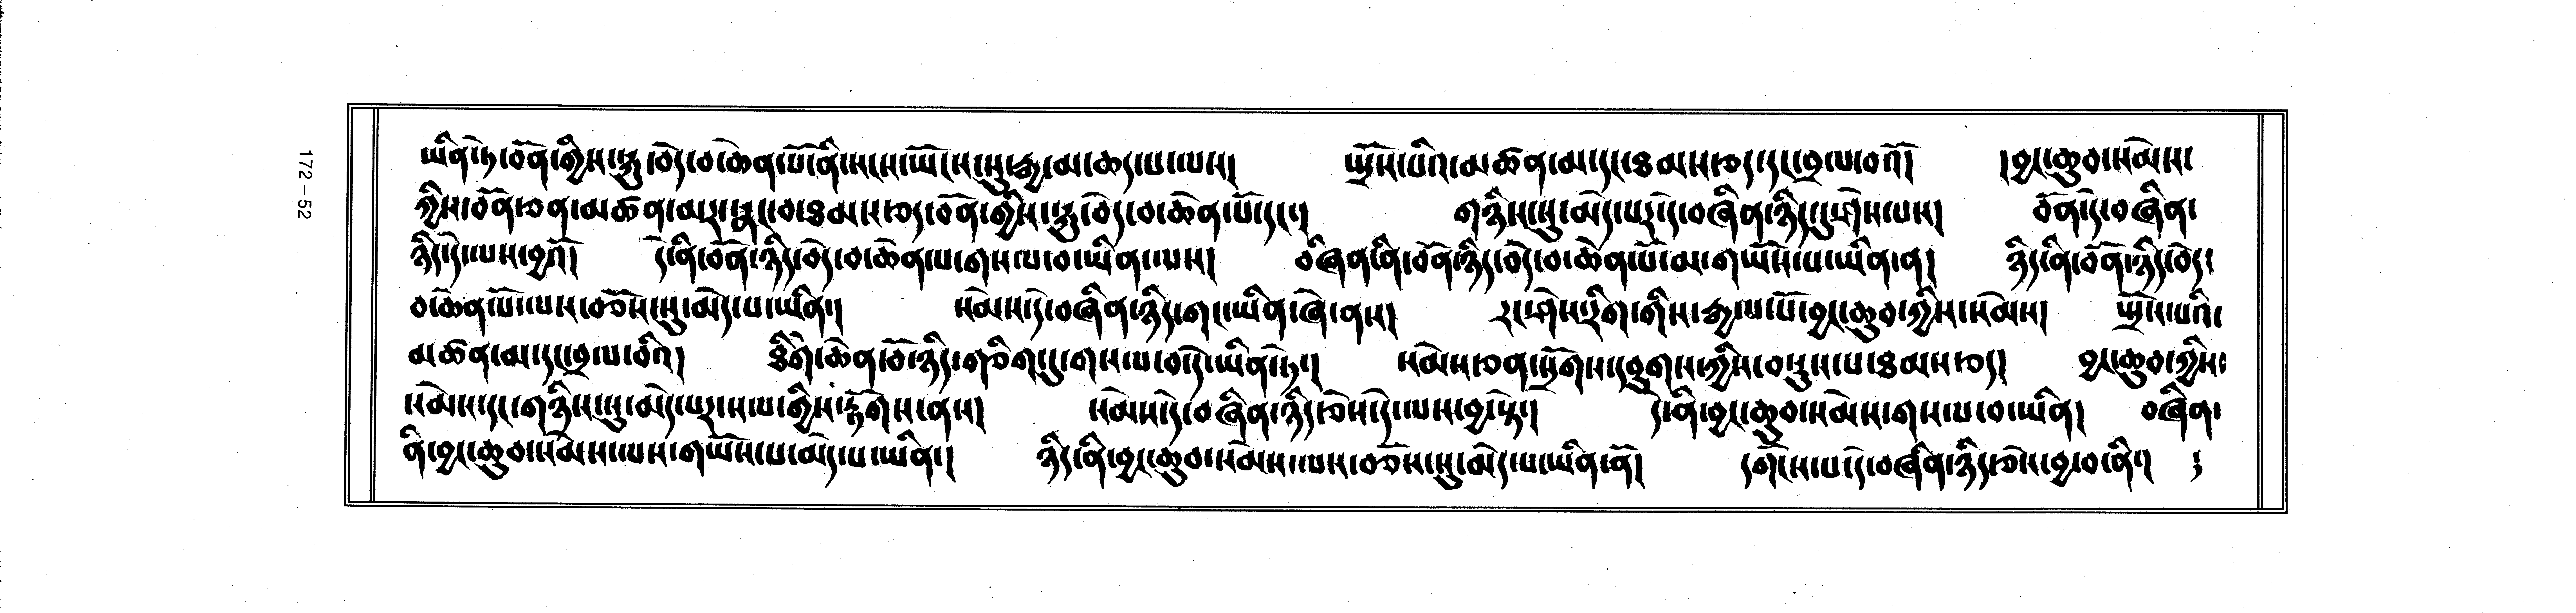ཡིན་ཏེ། བོན་གྱི་སྐུ་བདེ་བ་ཆེན་པོ་ནི་སངས་ཡོངས་སུ་རྒྱ་མ་ཆད་པ་ལས། སྤྲོས་པའི་མཚན་མ་དང་ཐམས་ཅད་དང་བྲལ་བའོ། བྱང་ཆུབ་སེམས་
ཀྱིས་བོན་ཅན་མཚན་མར་སྣང་བ་ཐམས་ཅད་བོན་གྱི་སྐུ་བདེ་བ་ཆེན་པོ་དང་། གཉིས་སུ་མེད་པར་དེ་བཞིན་ཉིད་དུ་ཤེས་པས། བོན་དེ་བཞིན་
ཉིད་དེ་ལས་བྱའོ། དེ་ནི་བོན་ཉིད་བདེ་བ་ཆེན་པོ་གསལ་བ་ཡིན་ལས། བཞིན་ནི་བོན་ཉིད་བདེ་བ་ཆེན་པོ་མ་གཡོས་པ་ཡིན་ན། ཉིད་ནི་བོན་ཉིད་བདེ་
བ་ཆེན་པོ་ལས་བཅོས་སུ་མེད་པ་ཡིན། སེམས་དེ་བཞིན་ཉིད་གང་ཡིན་ཞེ་ན། རང་ཤེས་རིག་གིས་རྒྱལ་པོ་བྱང་ཆུབ་སེམས་ཀྱིས་སེམས། སྤྲོས་པའི་
མཚན་མ་དང་བྲལ་བའི། ཐིག་ལེ་ཆེན་པོ་ཉིད་གཅིག་དུ་གསལ་བ་དེ་ཡིན་ཏེ། སེམས་ཅན་སྲོག་དབུགས་ཀྱིས་བསྡུས་པ་ཐམས་ཅད། བྱང་ཆུབ་ཀྱིས
་སེམས་དང་གཉིས་སུ་མེད་པར་སལ་གྱིས་རྟོགས་ནས། སེམས་དེ་བཞིན་ཉིད་ཅེས་དེ་ལས་བྱ་སྟེ། དེ་ནི་བྱང་ཆུབ་སེམས་གསལ་བ་ཡིན། བཞིན་
ན་བྱང་ཆུབ་སེམས་ལས་གཡོས་པ་མེད་པ་ཡིན། ཉིད་ནི་བྱང་ཆུབ་སེམས་ལས་བཅོས་སུ་མེད་པ་ཡིན་ནོ། དགོངས་པ་དེ་བཞིན་ཉིད་ཅེས་བྱ་བ་ནི།